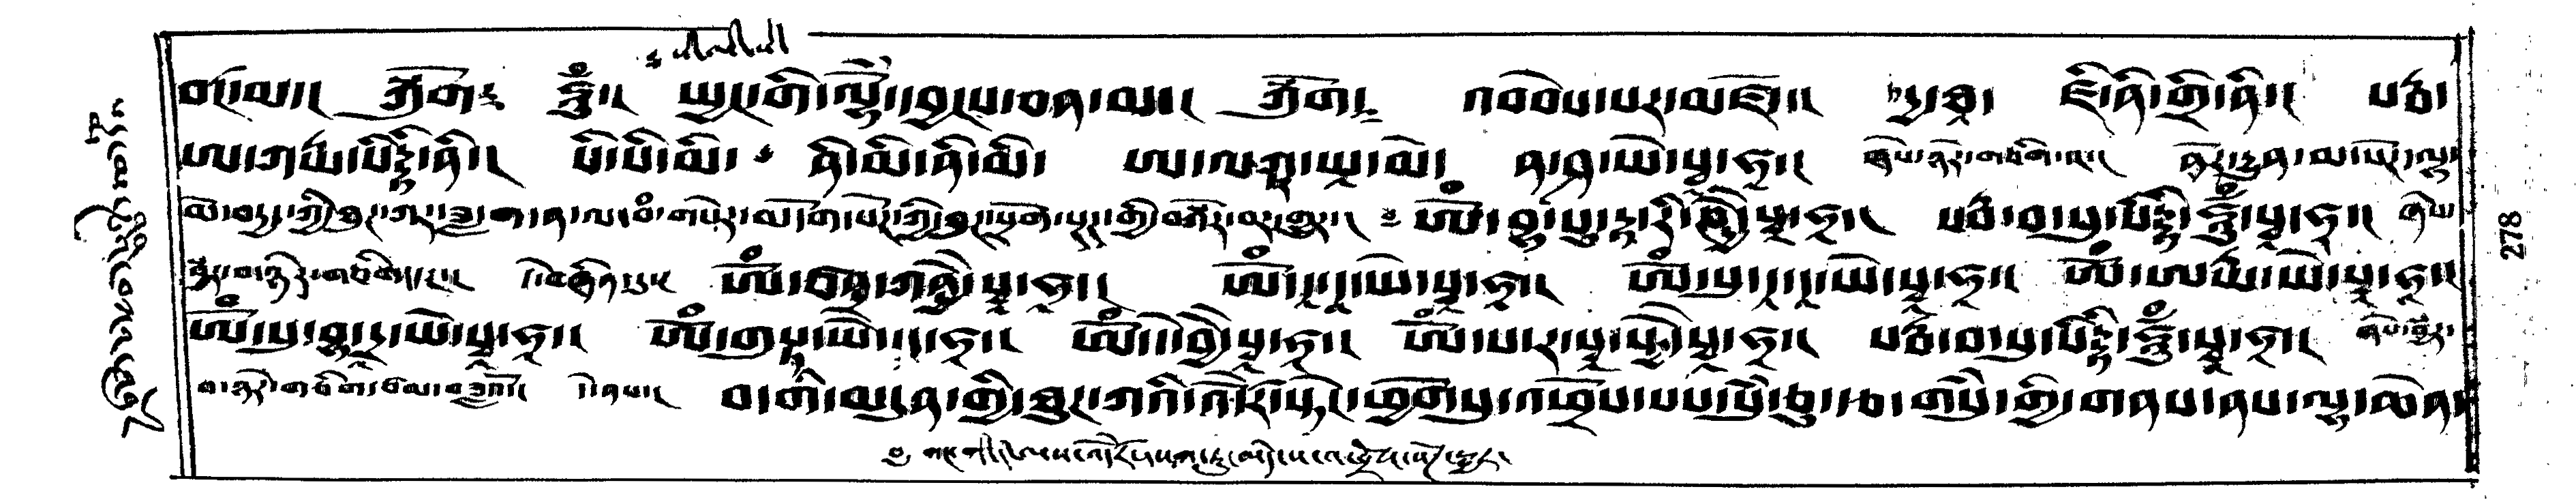བཟང་མ། སྐུ་མདོག༴ ཧཱུྃ། གཡང་གི་ལྷ་མོ་དབྱངས་ཅན་མ། །སྐུ་མདོག༴ འབེབས་པར་མཛོད། ཏདྱ་ཐཱ། ཛི་ནི་གྲི་ནི། སརྦ་
ཨ་ཀརྨ་སིདྡྷི་ནི། སི་སི་མི། སི་ལི་སི། ནི་མི་ནི་མི། ཨ་ལཀྵ་ཡཱ་མེ། ན་ཤ་ཡེ་སྭ་ཧཱ། ཞེས་ཉེར་གཅིག་དང་། ནོར་རྒྱུན་མ་སོགས་ལྷ་
མོ་བརྒྱད་ཀྱི་ཐུགས་ཀར་ཟླ་གདན་ལ་བཾ་གསེར་མདོག་སོགས་ཀྱི་ཐུགས་སྲོག་སྔགས་ཀྱི་བསྐོར་བར་གྱུར། ཨོཾ་བྷ་སུ་དྷ་རི་ཎཻདྱ་སྭ་ཧཱ། སརྦ་བ་སུ་སིདྡྷི་ཧཱུྃ་སྭ་ཧཱ། ཞེས་
སྦྱར་བ་ཉེར་གཅིག་དང་། དེ་བཞིན་དུ། ཨོཾ་ཙནྡྲ་ཀནྟྱཻ་སྭ་ཧཱ། ཨོཾ་དཱ་དཱ་ཡེ་སྭ་ཧཱ། ཨོཾ་སུ་དཱ་དཱ་ཡེ་སྭ་ཧཱ། ཨོཾ་ཨརྻ་ཡེ་སྭ་ཧཱ། །ཨོཾ་སུ་བྷ་དྲཱ་ཡེ་སྭ་ཧཱ། 
ཨོཾ་གུཔྟ་དཱ་སྭ་ཧཱ། ཨོཾ་དེ་བྱཻ་སྭ་ཧཱ། ཨོཾ་ས་ར་སྭ་སྟྱཻ་སྭ་ཧཱ། སརྦ་བ་སུསིདྡྷི་ཧཱུྃ་སྭ་ཧཱ། ཞེས་སྦྱར་
བ་ཉེར་གཅིག་ཙམ་བཟཱོ།། དེ་ནས། བདག་མདུན་གྱི་ཐུགས་ཀའི་འོད་ཟེར་སྟེང་ཕྱོགས་སུ་འཕྲོས་པས་སུ་ཅུ་རྩ་གསུམ་གྱི་གནས་ནས་ལྷ་ཆེན་